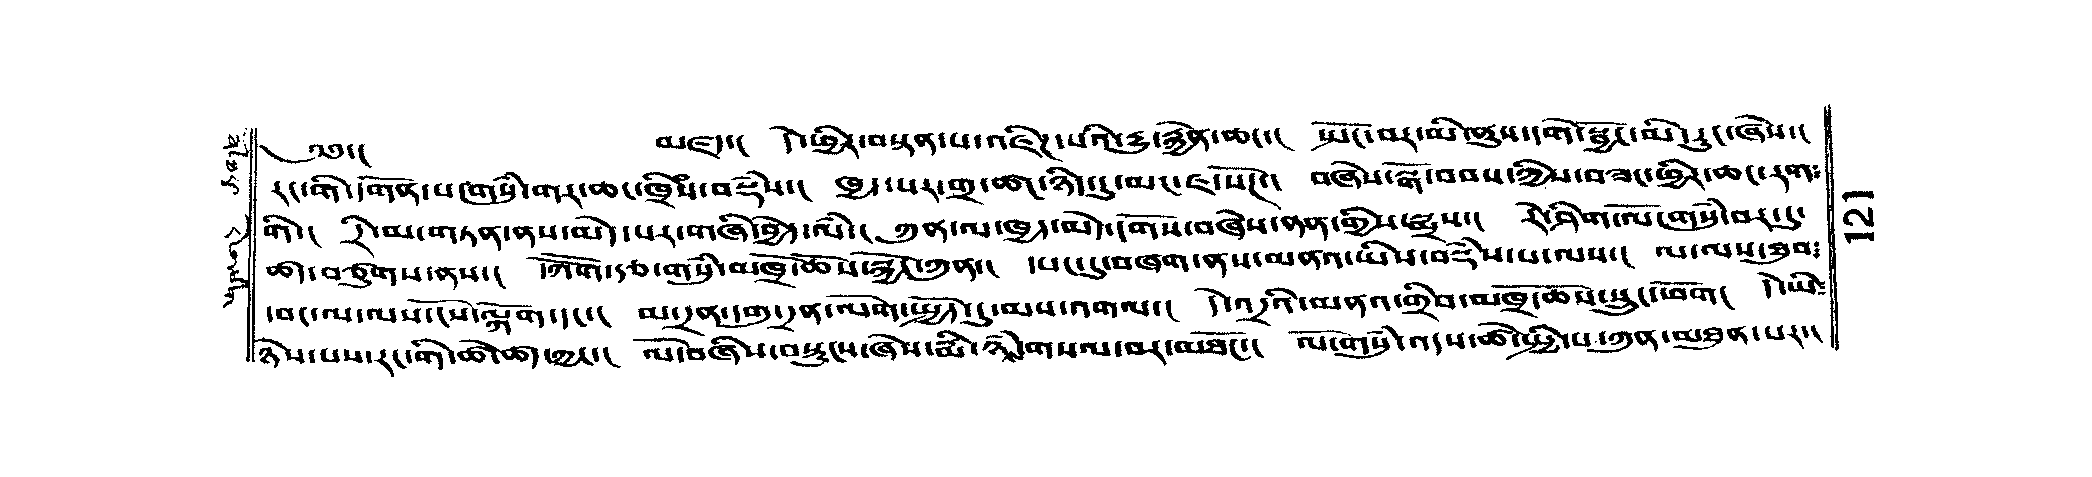མཛད། །དེ་ཕྱིར་བསྟན་པ་འཇིག་པའི་རྒྱུ་རྐྱེན་ཆང་། །སྤོང་བར་མི་ནུས་དགེ་སྦྱོང་མི་རུང་ཞེས། །
རང་གི་དགོན་པ་གསུམ་གར་ཆང་ཁྲིམས་བསྡམས།ཁྱད་པར་གྲྭ་ཚང་ཉིད་དུ་མང་ཇ་སོགས། །བཞེས་སྒོ་བབས་ཀྱིས་བཟང་ཕྱིར་ཆང་རག་
གི །དྲི་མ་གཏན་ནས་མེད་པར་གཞིས་བྱེས་ལམ། །ཀུན་ལ་ཁྱད་མེད་དགོས་ཞེས་ནན་གྱིས་སྨྲས། །རེ་ཤིག་ལོ་གསུམ་བར་དུ་
ཚད་བཙུགས་ནས། །དཀོན་མཆོག་རྩ་གསུམ་མཁའ་འགྲོ་ཆོས་སྐྱོང་ཀུན། །དཔང་དུ་བཞག་ནས་མནའ་ཡིས་བསྡམས་པ་ལས། །ལ་ལས་ཐུབ་
ཀྱང་ལ་ལས་ངོས་ལྐོག་དང་། །མི་དྲན་དགུ་དྲན་ལོག་སྤྱོད་དུ་མས་འགལ། །དེ་འདྲའི་མནའ་གྲིབ་མཁའ་འགྲོ་ཆོས་སྲུང་ཕོག །དེ་ཡི་
ཉེས་པས་རང་གི་ཚེ་ཚད་ཀྱང་། །ལོ་བཞིས་བསྟུངས་ཞེས་རྨི་ཉམས་གསལ་བར་མཐོང་། །ལོ་གསུམ་འདས་ཚེ་སྤྱི་བ་ཀུན་མཐུན་པར།